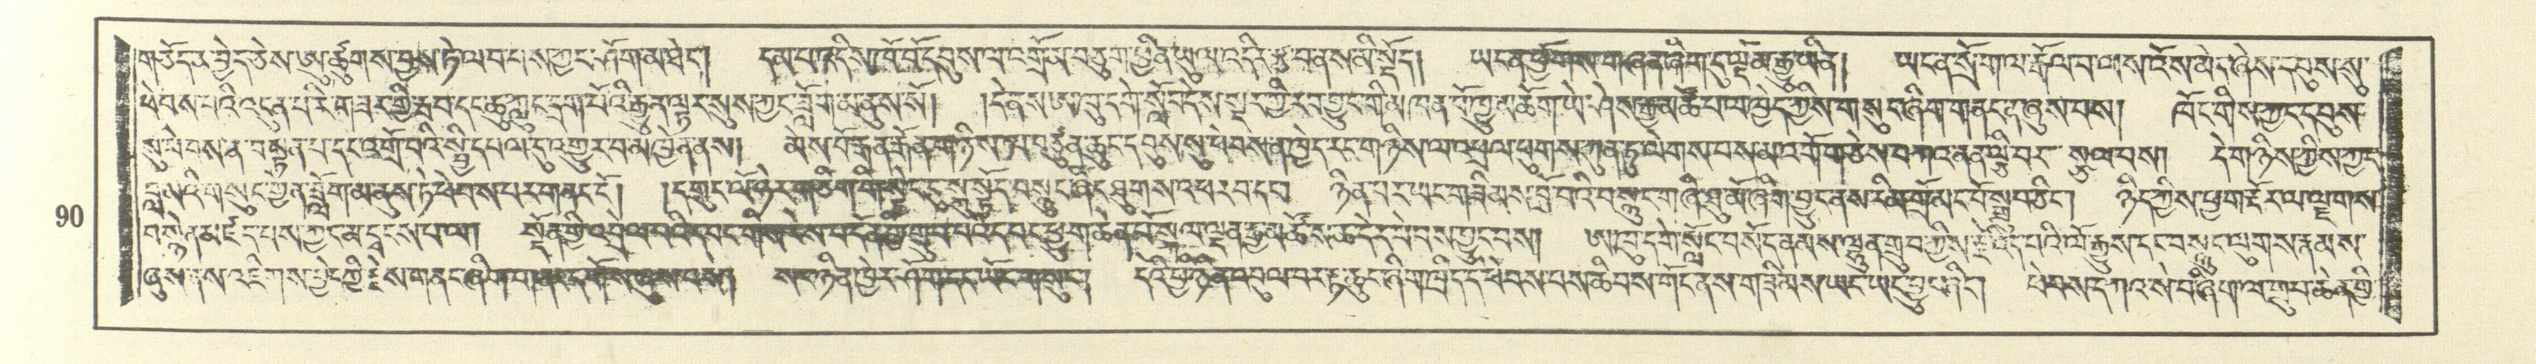གཅོད་མ་བྱེད་ཅེས་ཨུ་ཚུགས་བྱས་ཏེ་ལབ་པས་ཀྱང་ཤོག་མ་ཐེང་། དམ་པ་འདིས་ཁོ་བོ་དབུས་ལ་འགྲོ་མ་བཅུག་ཕྱིན་ཡུལ་འདིར་རྩ་བ་ནས་མི་སྡོད། ཡང་ན་ཕྱོགས་གཞན་ཞིག་དུ་ལྡོམ་རྒྱུ་ཡིན། ཡང་ན་སྲོག་ལ་རྒོལ་བ་ལས་འོས་མེད་ཞེས་དབུས་སུ་
ཕེབས་པའི་འདུན་པ་རི་གཟར་གྱི་རྦབ་དང་ཆུ་ཀླུང་དྲག་པོའི་རྒྱུན་ལྟར་སུས་ཀྱང་ཟློག་མ་ནུས་སོ། །དེ་ནས་ཨ་ཁུ་དགེ་སློང་དེས་སྔར་གྱི་རབ་བྱུང་གི་མཁན་པོ་ཁྱུ་མཆོག་ཡེ་ཤེས་རྒྱ་མཚོ་པ་ལ་ཁྱེད་ཀྱིས་གསུང་ཞིག་གནང་ན་ཞུས་པས། ཁོང་གིས་ཀྱང་དབུས་
སུ་ཕེབས་ན་བསྟན་པ་དང་འགྲོ་བའི་སྤྱི་དཔལ་དུ་འགྱུར་བ་མཁྱེན་ནས། མེས་པོ་རྒན་རྒོན་གཉིས་ལ་བཙུན་ཆུང་དབུས་སུ་ཕེབས་ན་ཁྱེད་རང་གཉིས་ལ་འཕྲལ་ཕུགས་ཀུན་ཏུ་ལེགས་པས་མ་འགོག་ཅེས་བཀའ་ནན་ལྕི་བར་སྩལ་བས། དེ་གཉིས་ཀྱིས་ཀྱང་
བླ་མའི་གསུང་གྱེན་ཟློག་མ་ནུས་ཏེ་ཕེབས་པར་གནང་ངོ། །དགུང་ལོ་ཉེར་གཅིག་གི་སྟེང་དུ་སྐུ་སྟོད་བསྙུང་ཞིང་ཐུགས་འཕར་བ་དང་། ཉིན་པར་ཡང་གཟིམས་བྲོ་བའི་བསྙུང་གཞི་ཐུ་མོ་ཞིག་བྱུང་ནས་རིམ་གྲོ་མང་པོ་སྒྲུབ་ཅིང་། ཉིད་ཀྱིས་ཕྱག་རྡོང་ལ་ལྗགས་
བསྙེན་མཛད་པས་ཀྱང་མ་དྭངས་པ་ལ། སྔོན་གྱི་འབྲེལ་བའི་དབང་གིས་ངེས་པ་དོན་གྱི་གྲུབ་པའི་དབང་ཕྱུག་ཆེན་པོ་སྐལ་ལྡན་རྒྱ་མཚོ་ས་ཆ་དེར་ཕེབས་བྱུང་བས། ཨ་ཁུ་དགེ་སློང་བསོད་ནམས་ལྷུང་རུབ་ཀྱིས་རྗེ་འདི་པའི་ལོ་རྒྱུས་དང་བསྙུང་ལུགས་རྣམས་
ཞུས་ནས་འཇིགས་བྱེད་ཀྱི་རྗེས་གནང་ཞིག་གནང་དགོས་ཞུས་པས། སང་ཉིན་ཁྱེར་ཤོག་དང་ཡོང་གསུང་། དེའི་ཕྱི་ཉིན་འབུལ་བར་རྟ་ཆུང་ཞིག་ཁྲིད་དེ་འཕེབས་པས་ཆིབས་གོང་ནས་གཟིམས་ཡང་ཡང་བྱུང་ཞིང་། ཕེབས་དཀའ་སེ་བཞིག་ལ་གྲུབ་ཆེན་གྱི་